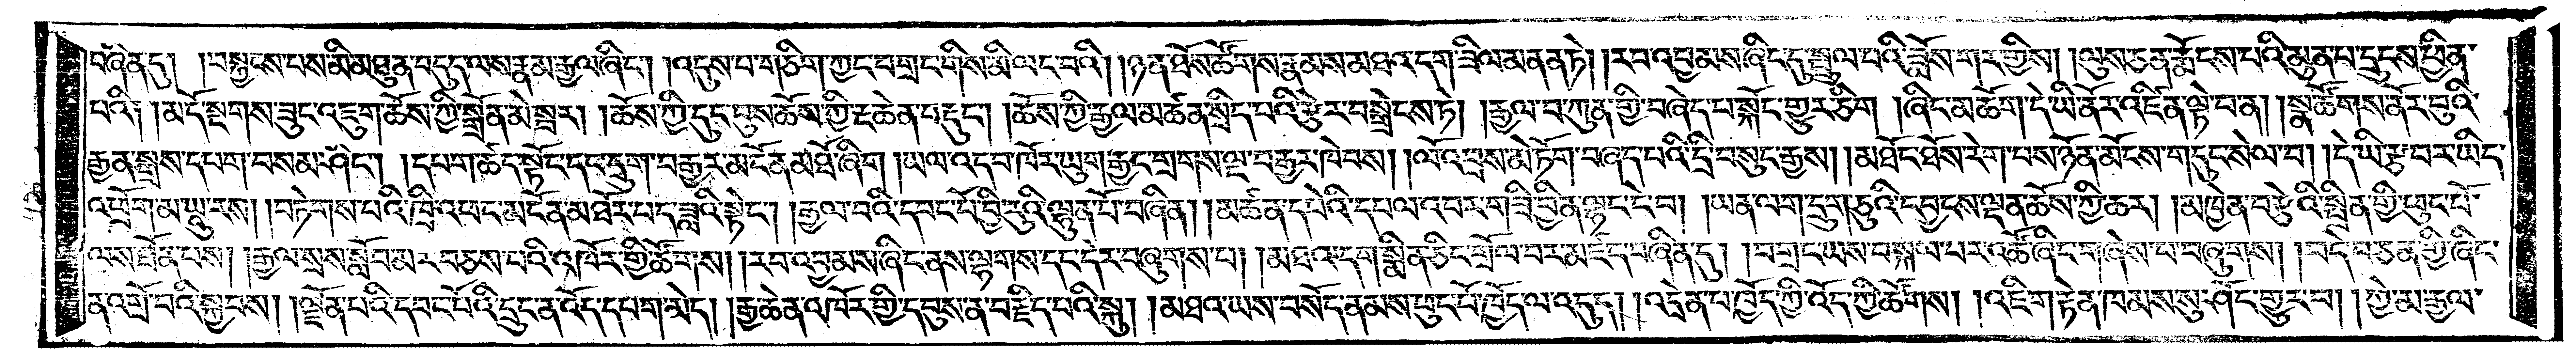བཞིན་དུ། །བསྐྱངས་པས་མི་མཐུན་བདུད་ལས་རྣམ་རྒྱལ་ཞིང་། །འདུས་པ་གཅིག་ཀྱང་བགྲང་གིས་མི་ལང་བའི། །ཉན་ཐོས་ཚོགས་རྣམས་མཐའ་དག་ཟིལ་མནན་ཏེ། །རབ་འབྱམས་ཞིང་དུ་སྤྲུལ་པའི་ཟློས་གར་གྱིས། །ལུས་ཅན་རྨོངས་པའི་མུན་པ་དྲུངས་ཕྱིན་
པའི༑ །མདོ་སྔགས་ཟུང་འཇུག་ཆོས་ཀྱི་སྒྲོན་མེ་སྦར། །ཆོས་ཀྱི་དུང་བུས་ཆོས་ཀྱི་རྔ་ཆེན་བརྡུང་། །ཆོས་ཀྱི་རྒྱལ་མཚན་སྲིད་པའི་རྩེར་བསྒྲེངས་ཏེ། །རྒྱལ་བ་ཀུན་གྱི་བཞེད་པ་སྐོང་གྱུར་ཅིག །ཞིང་མཆོག་དེ་ཡི་ནོར་འཛིན་ལྟེ་བ་ན། །སྣ་ཚོགས་ནོར་བུའི་
རྒྱན་སྒྲས་དཔག་བསམ་ཤིང་། །དཔག་ཚད་སྟོང་དང་དྲུག་བརྒྱར་མངོན་མཐོ་ཞིག །ཡལ་འདབ་ཁོར་ཡུག་རྒྱང་གྲགས་ལྔ་བརྒྱར་ཁེབས། །ལོ་འབྲས་མེ་ཏོག་བཞད་པའི་དྲི་བསུང་རྒྱས། །མཐོང་ཐོས་རེག་པས་ཉོན་མོངས་གདུང་སེལ་བ། །དེ་ཡི་རྩ་བར་ཡིད་
འཕྲོག་མ་ཡཱུ་རས། །བཏེགས་པའི་ཁྲི་འཕང་མངོན་མཐོར་པད་ཟླའི་སྟེང་། །རྒྱལ་བའི་དབང་པོ་བྱི་རུའི་ལྷུན་པོ་བཞིན། །མཚན་དཔེའི་དཔལ་འབར་གཟི་བྱིན་ལྷང་ངེ་བ། །ཡན་ལག་དྲུག་ཅུའི་དབྱངས་ལྡན་ཆོས་ཀྱི་ཆར། །མཁྱེན་བརྩེའི་སྤྲིན་གྱི་ཕུང་པོ་
ལས་ཐོན་པས། །རྒྱལ་སྲས་སློབ་མར་བཅས་པའི་འཁོར་གྱི་ཚོགས། །རབ་འབྱམས་ཞིང་ནས་ལྷགས་དང་དེར་བཞུགས་པ། །མཐའ་དག་སྨིན་ཅིང་གྲོལ་བར་མཛད་བཞིན་དུ། །བགྲང་ལས་བསྐལ་པར་འཚོ་ཞིང་གཞེས་པ་བཞུགས། །བདེ་བ་ཅན་གྱི་ཞིང་
ན་འགྲོ་བའི་སྐྱབས། །ལྗོན་པའི་དབང་པོའི་དྲུང་ན་འོད་དཔག་མེད། །རྒྱ་ཆེན་འཁོར་གྱི་དབུས་ན་བརྗིད་པའི་སྐུ། །མཐའ་ཡས་བསོད་ནམས་ཕུང་པོ་ཁྱོད་ལ་འདུད། །འདྲེན་པ་ཁྱོད་ཀྱི་འོད་ཀྱི་ཚོགས། །འཇིག་རྟེན་ཁམས་སུ་ཤོང་གྱུར་བ། །ཀྱེ་མ་རྒྱལ་